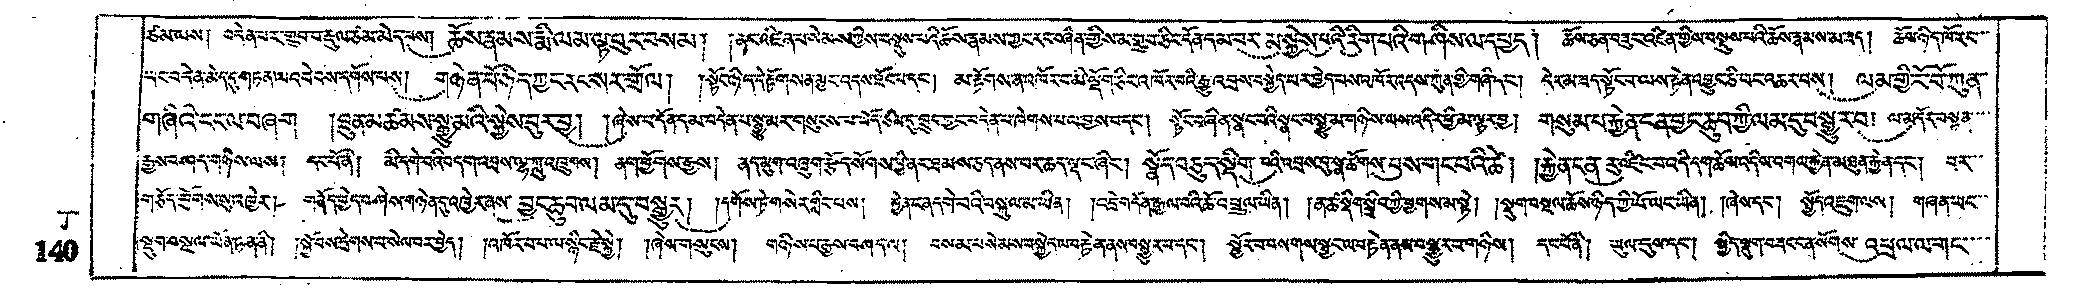ཙམ་ལས། བདེན་པར་གྲུབ་པ་རྡུལ་ཙམ་མེད་པས། ཆོས་རྣམས་རྨི་ལམ་ལྟ་བུར་བསམ། །ནང་འཛིན་པ་སེམས་ཀྱིས་བསྡུས་པའི་ཆོས་རྣམས་ཀྱང་རང་བཞིན་གྱིས་མ་གྲུབ་ཅིང་དོན་དམ་པར་མ་སྐྱེས་པའི་རིག་པའི་གཤིས་ལ་དཔྱད། ཆོས་ཅན་བཟུང་འཛིན་གྱིས་བསྡུས་པའི་ཆོས་རྣམས་མ་ཟད། ཆོས་ཉིད་ཁོ་རང་་་
ཡང་བདེན་མེད་དུ་གཏན་ལ་འབེབས་དགོས་པས། གཉེན་པོ་ཉིད་ཀྱང་རང་སར་གྲོལ། །སྟོང་ཉིད་དེ་རྟོགས་ན་མྱང་འདས་ཐོབ་པ་དང་། མ་རྟོགས་ན་འཁོར་བ་མི་ལྡོག་ཅིང་འཁོར་བའི་རྒྱུ་འབྲས་བསྐྱེད་པར་བྱེད་པས་འཁོར་འདས་ཀུན་གྱི་གཞི་དང་། དེར་མ་ཟད་སྟོང་པ་ལས་རྟེན་འབྱུང་ཅི་ཡང་འཆར་བས།  ལམ་གྱི་ངོ་བོ་ཀུན་་་
གཞིའི་ངང་ལ་བཞག །ཐུན་མཚམས་སྒྱུ་མའི་སྐྱེས་བུར་བྱ། །ཞེས་པ་དོན་དམ་བདེན་པ་སྒྱུ་མར་གསུངས་པ་ཡོད་ཙམ་དུ་གྲུབ་ཀྱང་བདེན་པ་ཁེགས་པ་ལ་བྱས་པ་དང་། སྟོང་བཞིན་སྣང་བའི་སྣང་བ་སྒྱུ་མ་གཉིས་ལས་འདིར་ཕྱི་མ་ལྟར་བྱ།  གསུམ་པ་རྐྱེན་ངན་བྱང་ཆུབ་ཀྱི་ལམ་དུ་བསྒྱུར་བ། ལ་མདོར་བསྟན་་་
རྒྱས་བཤད་གཉིས་ལས། དང་པོ་ནི། མི་དགེ་བའི་བདག་འབྲས་ལྷ་ཀླུ་འཁྲུགས། ནག་ཕྱོགས་རྒྱས། ནད་མུག་འཁྲུག་རྩོད་སོགས་ཕྱི་ནང་ཐམས་ཅད་ནས་བར་ཆད་ལྡང་ཞིང་། སྣོད་བཅུད་སྡིགཔའི་འབྲས་བུ་སྣ་ཚོགསཔས་གང་བའི་ཚེ། །རྐྱེན་ངནྲུ་འཛིང་བ་འདི་དག་ཆོས་འདིས་འགལ་རྐྱེན་མཐུན་རྐྱེན་དང་། བར་་་
གཅོད་གྲོས་སུ་འཁྱེར། །གནོད་བྱེད་བཤེས་གཉེན་དུ་འཁྱེར་ནས་བྱང་ཆུབ་ལམ་དུ་བསྒྱུར། །དགོས་ཏེ་གསེར་གླིང་པས། རྐྱེན་ངན་དགེ་བའི་བསྐུལ་མ་ཡིན། །དྲི་གདོན་རྒྱལ་བའི་ཆོ་འཕྲུལ་ཡིན། །ན་ཚ་སྡིག་སྒྲིབ་ཀྱི་ཕྱགས་མ་སྟེ། །སྡུག་བསྔལ་ཆོས་ཉི་ཀྱི་ཡོ་ལང་ཡིན། །ཞེས་དང་། སྤྱོད་འཇུག་ལས། གཞན་ཡང་་་
སྡུག་བསྔལ་ཡོན་ཏན་ནི། །སྐྱོ་བས་དྲེགས་པ་སེལ་བར་བྱེད། །འཁོར་བ་པ་ལ་སྙིང་རྗེ་སྐྱེ། །ཞེས་གསུངས། གཉིས་པ་རྒྱས་བཤད་ལ། བསམ་པ་སེམས་བསྐྱེད་ལ་བརྟེན་ནས་བསྒྱུར་བ་དང་། སྦྱོར་བ་བསགས་སྦྱང་ལ་བརྟེན་ནས་བསྒྱུར་བ་གཉིས། དང་པོ་ནི། ཡུལ་དུས་དང་། སྐྱིད་སྡུག་བཟང་ངན་སོགས་འཕྲལ་ལ་གང་་་